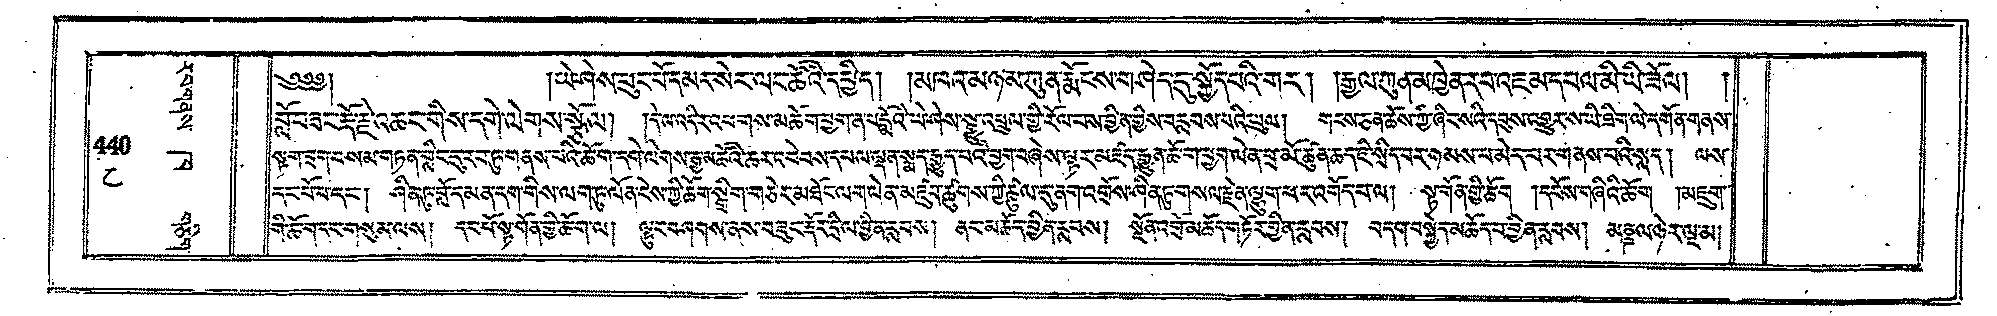༄༅༅། །ཡེ་ཤེས་ཕུང་པོ་དམར་སེར་ལང་ཚོའི་དཔྱིད། །མཁའ་མཉམ་ཀུན་རྨོངས་གཤེད་དུ་སྐྱོད་པའི་གར། །རྒྱལ་ཀུན་མཁྱེན་རབ་འཇམ་དཔལ་མི་ཡི་ཟོལ། །
བློ་བཟང་རྡོ་རྗེ་འཆང་གིས་དགེ་ལེགས་སྩོལ། །དེ་ལ་འདིར་འཕགས་འཆོག་ཕྱག་ན་པདམོའི་ཡེ་ཤེས་སྒྱུ་འཕྲུལ་གྱི་རོལ་པས་བྱིན་གྱིས་བརླབས་པའི་ཡུལ། གངས་ཅན་ཆོས་ཀྱི་ཞིང་སའི་དབུས་འགྱུར་ས་ཡི་ཐིག་ལེ་དགོང་གནས་
སྟག་བྲག་བསམ་གཏན་གླིང་དུ་རབ་ཏུ་གནས་པའི་ཆོ་ག་དགེ་ལེགས་རྒྱ་མཚོའི་ཆར་འབེབས་དཔལ་ལྡན་སྨད་རྒྱུད་པའི་ཕྱག་བཞེས་ལྟར་མཛད་རྒྱུན་ཆོ་ག་ཕྱག་ལེན་ཕྲ་མོ་ཚུན་ཆད་ཇི་སྲིད་བར་ཉམས་པ་མེད་པར་གནས་པའི་སླད། ལས་
དང་པོ་པ་དང་། ཤིན་ཏུ་བློ་དམན་དག་གིས་ལག་ཏུ་ལོན་ངེས་ཀྱི་ཆོག་སྒྲིག་གཅེར་མཐོང་ལག་ལེན་མཛུབ་ཚུགས་ཀྱི་ཚུལ་དུ་ནག་འགྲོས་ཤིན་ཏུ་གསལ་རྗེན་ལྷུག་པར་འགོད་པ་ལ། སྟ་གོན་གྱི་ཆོ་ག །དངོས་གཞིའི་ཆོ་ག །མཇུག་
གི་ཆོ་ག་དང་གསུམ་ལས། དང་པོ་སྟ་གོན་གྱི་ཆོ་ག་ལ། ལྟུང་བཤགས་ནས་བཟུང་རྡོར་དྲིལ་བྱིན་རླབས། ནང་མཆོད་བྱིན་རླབས། སྔོན་འགྲོ་མཆོད་གཏོར་བྱིན་རླབས། བདག་བསྐྱེད་མཆོད་པ་བྱིན་རླབས། མཎྜལ་ཉེར་ལྔ་མ།